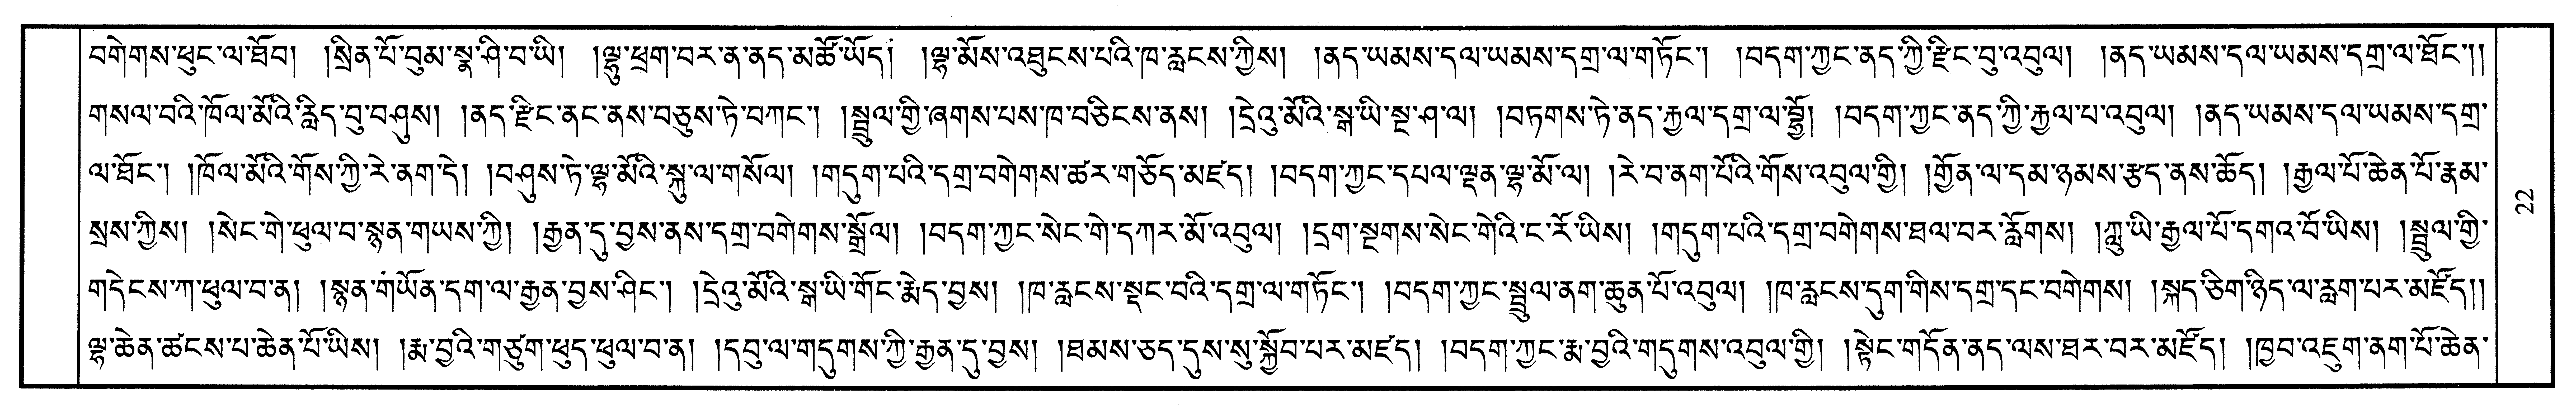བགེགས་ཕུང་ལ་ཐོབ། །སྲིན་པོ་བུམ་སྣ་ཤི་བ་ཡི། །ལྷུ་ཕྲག་བར་ན་ནད་མཚོ་ཡོད། །ལྷ་མོས་འཐུངས་པའི་ཁ་རླངས་ཀྱིས། །ནད་ཡམས་དལ་ཡམས་དགྲ་ལ་གཏོང་། །བདག་ཀྱང་ནད་ཀྱི་རྫིང་བུ་འབུལ། །ནད་ཡམས་དལ་ཡམས་དགྲ་ལ་ཐོང།།
གསལ་བའི་ཁོལ་མོའི་རླིད་བུ་བཤུས། །ནད་རྫིང་ནང་ནས་བཅུས་ཏེ་བཀང་། །སྦྲུལ་གྱི་ཞགས་པས་ཁ་བཅིངས་ནས། །དྲེའུ་མོའི་སྒ་ཡི་སྔ་ཤ་ལ། །བཏགས་ཏེ་ནད་རྐྱལ་དགྲ་ལ་བྷྱོ། །བདག་ཀྱང་ནད་ཀྱི་རྐྱལ་པ་འབུལ། །ནད་ཡམས་དལ་ཡམས་དགྲ་
ལ་ཐོང་། །ཁོལ་མོའི་གོས་ཀྱི་རེ་ནག་དེ། །བཤུས་ཏེ་ལྷ་མོའི་སྐུ་ལ་གསོལ། །གདུག་པའི་དགྲ་བགེགས་ཚར་གཅོད་མཛད། །བདག་ཀྱང་དཔལ་ལྡན་ལྷ་མོ་ལ། །རེ་བ་ནག་པོའི་གོས་འབུལ་གྱི། །གྱོན་ལ་དམ་ཉམས་རྩད་ནས་ཆོད། །རྒྱལ་པོ་ཆེན་པོ་རྣམ་
སྲས་ཀྱིས། །སེང་གེ་ཕུལ་བ་སྙན་གཡས་ཀྱི། །རྒྱན་དུ་བྱས་ནས་དགྲ་བགེགས་སྒྲོལ། །བདག་ཀྱང་སེང་གེ་དཀར་མོ་འབུལ། །དྲག་སྔགས་སེང་གེའི་ང་རོ་ཡིས། །གདུག་པའི་དགྲ་བགེགས་ཐལ་བར་རློགས། །ཀླུ་ཡི་རྒྱལ་པོ་དགའ་བོ་ཡིས། །སྦྲུལ་གྱི་
གདེངས་ཀ་ཕུལ་བ་ན། །སྙན་གཡོན་དག་ལ་རྒྱན་བྱས་ཤིང་། །དྲེའུ་མོའི་སྒ་ཡི་གོང་རྨེད་བྱས། །ཁ་རླངས་སྡང་བའི་དགྲ་ལ་གཏོང་། །བདག་ཀྱང་སྦྲུལ་ནག་ཆུན་པོ་འབུལ། །ཁ་རླངས་དུག་གིས་དགྲ་དང་བགེགས། །སྐད་ཅིག་ཉིད་ལ་རླག་པར་མཛོད།།
ལྷ་ཆེན་ཚངས་པ་ཆེན་པོ་ཡིས། །རྨ་བྱའི་གཙུག་ཕུད་ཕུལ་བ་ན། །དབུ་ལ་གདུགས་ཀྱི་རྒྱན་དུ་བྱས། །ཐམས་ཅད་དུས་སུ་སྐྱོབ་པར་མཛད། །བདག་ཀྱང་རྨ་བྱའི་གདུགས་འབུལ་གྱི། །སྟེང་གདོན་ནད་ལས་ཐར་བར་མཛོད། །ཁྱབ་འཇུག་ནག་པོ་ཆེན་